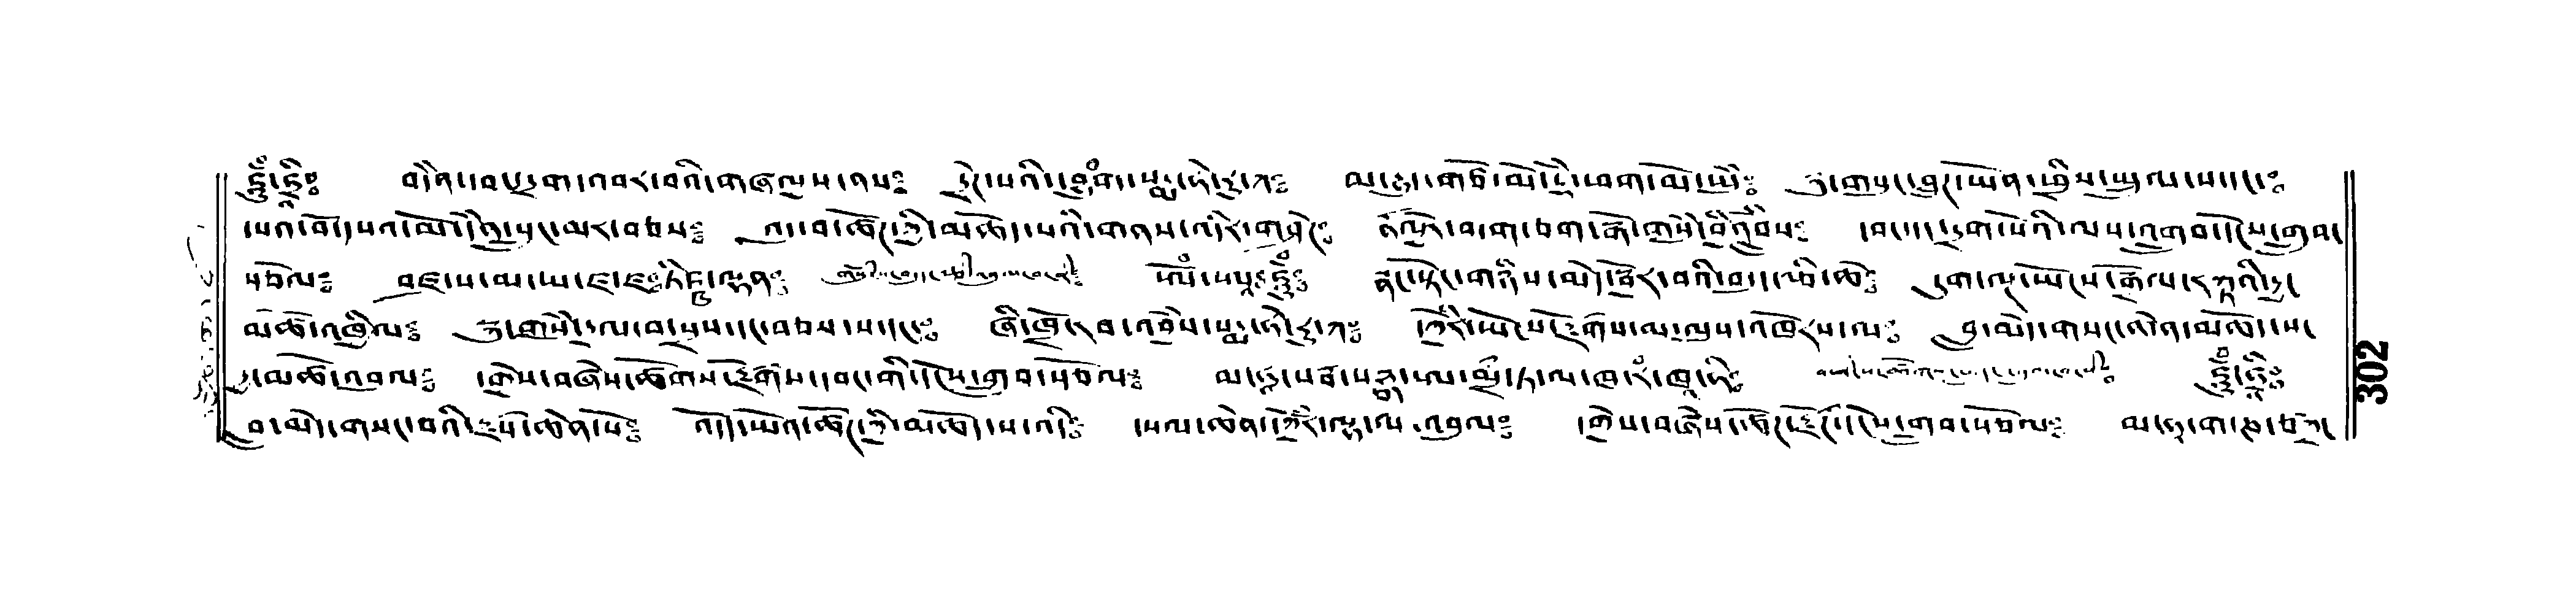ཧཱུྃ་ཧྲཱིཿ བདེ་ཆེན་དབང་དྲག་འབར་བའི་གཞལ་ཡས་ནས༔ དྲེགས་པའི་དབང་ཕྱུག་པདྨ་ཧེ་རུ་ཀ༔ མ་རྒྱུད་གཙོ་མོ་རྡོ་རྗེ་ཕག་མོ་ཡུམ༔ སྐུ་གསུང་ཐུགས་ཡོན་ཕྲིན་ལས་སྤྲུལ་པ་དང༔ 
དཔའ་བོ་དཔའ་མོ་དམ་ཅན་སྲུང་མར་བཅས༔ འདུ་བ་ཚོགས་ཀྱི་མཆོད་པའི་གནས་འདིར་གཤེགས༔ རྣལ་འབྱོར་བདག་ཅག་སྒོ་གསུམ་བྱིན་གྱིས་རློབས༔ དབང་དང་དྲག་པོའི་ལས་འགྲུབ་དངོས་གྲུབ་
སྩོལ༔ བཛྲ་ས་མ་ཡ་ཛ་ཛཿཏིཥྛ་ལྷན༔ གསུམ་པ་བདུད་རྩི་འབུལ་བ་ནི༔ ཨོཾ་ཨཱཿཧཱུྃ༔ སྣང་སྟོང་གཉིས་མེད་སྦྱོར་བའི་བདུད་རྩི་ཆེ༔ དུག་ལྔ་ཡོངས་སྒྲོལ་རཀྟའི་རྒྱ་
མཚོ་འཁྱིལ༔ སྐུ་གསུམ་རྒྱལ་བ་སྲས་དང་བཅས་པ་དང༔ ཞི་ཁྲོ་རབ་འབྱམས་པདྨ་ཧེ་རུ་ཀ༔དཀྱིལ་འཁོར་ཡོངས་རྫོགས་མ་ལུས་འཁོར་བཅས་ལ༔ བླ་མེད་གསང་ཆེན་མཆོད་པ་
རྒྱ་མཚོ་འབུལ༔ དགྱེས་བཞེས་ཚོགས་རྫོགས་དབང་གི་དངོས་གྲུབ་སྩོལ༔ མ་ཧཱ་སརྦ་པཉྩ་ཨ་མྲྀ་ཏ་ལ་ཁ་རཾ་ཁཱ་ཧི༔ བཞི་པ་ཚོགས་ཕུད་འབུལ་བ་ནི༔ ཧཱུྃ་ཧྲཱིཿ 
བླ་མེད་གསང་བའི་རྫས་ཆེན་པོ༔ འདོད་ཡོན་ཚོགས་ཀྱི་མཆོད་པ་འདི༔ དཔལ་ཆེན་དཀྱིལ་འཁོར་ལྷ་ལ་འབུལ༔ དགྱེས་བཞེས་ཚོགས་རྫོགས་དངོས་གྲུབ་སྩོལ༔ མ་ཧཱ་ག་ཎ་ཙཀྲ་